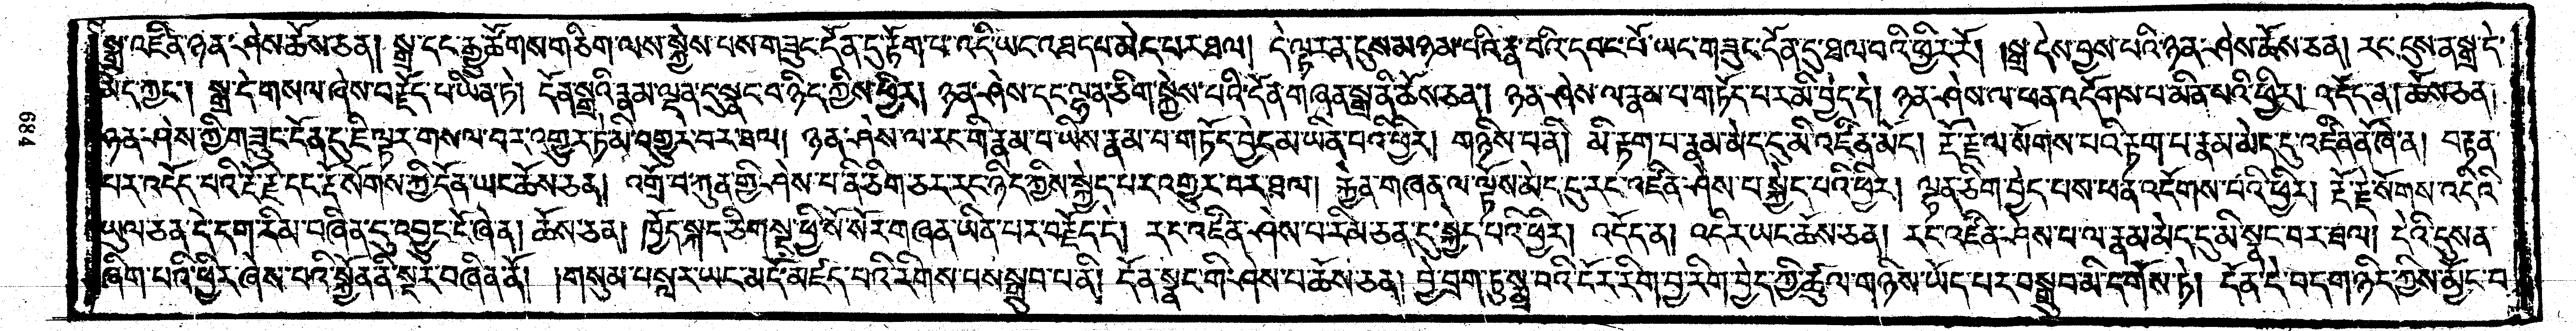སྒྲ་འཛིན་ཉན་ཤེས་ཆོས་ཅན། སྒྲ་དང་རྒྱུ་ཚོགས་གཅིག་ལས་སྐྱེས་པས་གཟུང་དོན་དུ་རྟོག་པ་འདི་ཡང་འཐད་པ་མེད་པར་ཐལ། དེ་ལྟར་ན་དུས་མཉམ་པའི་རྣ་བའི་དབང་པོ་ཡང་གཟུང་དོན་དུ་ཐལ་བའི་ཕྱིར་རོ། །སྒྲ་དེས་བྱས་པའི་ཉན་ཤེས་ཆོས་ཅན། རང་དུས་ན་སྒྲ་དེ་
མེད་ཀྱང་། སྒྲ་དེ་གསལ་ཞེས་བརྗོད་པ་ཡིན་ཏེ། དོན་སྒྲའི་རྣམ་ལྡན་དུ་སྣང་བ་ཉིད་ཀྱིས་ཕྱིར། ཉན་ཤེས་དང་ལྷན་ཅིག་སྐྱེས་པའི་དོན་གཞན་སྒྲ་ནི་ཆོས་ཅན། ཉན་ཤེས་ལ་རྣམ་པ་གཏོད་པར་མི་བྱེད་དེ། ཉན་ཤེས་ལ་ཕན་འདོགས་པ་མིན་པའི་ཕྱིར། འདོད་ན། ཆོས་ཅན།
ཉན་ཤེས་ཀྱི་གཟུང་དོན་དུ་ཇི་ལྟར་གསལ་བར་འགྱུར་ཏེ་མི་འགྱུར་བར་ཐལ། ཉན་ཤེས་ལ་རང་གི་རྣམ་པ་ཡིས་རྣམ་པ་གཏོད་བྱེད་མ་ཡིན་པའི་ཕྱིར། གཉིས་པ་ནི། མི་རྟག་པ་རྣམ་མེད་དུ་མི་འཛིན་མོད། རྡོ་རྗེ་ལ་སོགས་པའི་རྟག་པ་རྣམ་མེད་དུ་འཛིན་ནོ་ཞེ་ན། བརྟན་
པར་འདོད་པའི་རྡོ་རྗེ་དང་རྡོ་སོགས་ཀྱི་དོན་ཡང་ཆོས་ཅན། འགྲོ་བ་ཀུན་གྱི་ཤེས་པ་ནི་ཅིག་ཅར་རང་ཉིད་ཀྱིས་སྐྱེད་པར་འགྱུར་བར་ཐལ། རྐྱེན་གཞན་ལ་ལྟོས་མེད་དུ་རང་འཛིན་ཤེས་པ་སྐྱེད་པའི་ཕྱིར། ལྷན་ཅིག་བྱེད་པས་ཕན་འདོགས་པའི་ཕྱིར། རྡོ་རྗེ་སོགས་འདིའི་
ཡུལ་ཅན་དེ་དག་རིམ་བཞིན་དུ་འབྱུང་ངོ་ཞེ་ན། ཆོས་ཅན། ཁྱོད་སྐད་ཅིག་སྔ་ཕྱི་སོ་སོར་གཞན་ཡིན་པར་བརྗོད་དེ། རང་འཛིན་ཤེས་པ་རིམ་ཅན་དུ་སྐྱེད་པའི་ཕྱིར། འདོད་ན། འདིར་ཡང་ཆོས་ཅན། རང་འཛིན་ཤེས་པ་ལ་རྣམ་མེད་དུ་མི་སྣང་བར་ཐལ། དེའི་དུས་ན་
ཞིག་པའི་ཕྱིར་ཞེས་པའི་སྐྱོན་ནི་སྔར་བཞིན་ནོ། །གསུམ་པ་སླར་ཡང་མདོ་མཛད་པའི་རིགས་པས་སྒྲུབ་པ་ནི། དོན་སྣང་གི་ཤེས་པ་ཆོས་ཅན། བྱེ་བྲག་ཏུ་སྨྲ་བའི་ངོར་རིག་བྱ་རིག་བྱེད་ཀྱི་ཚུལ་གཉིས་ཡོད་པར་བསྒྲུབ་མི་དགོས་ཏེ། དོན་དེ་བདག་ཉིད་ཀྱིས་མྱོང་བ་